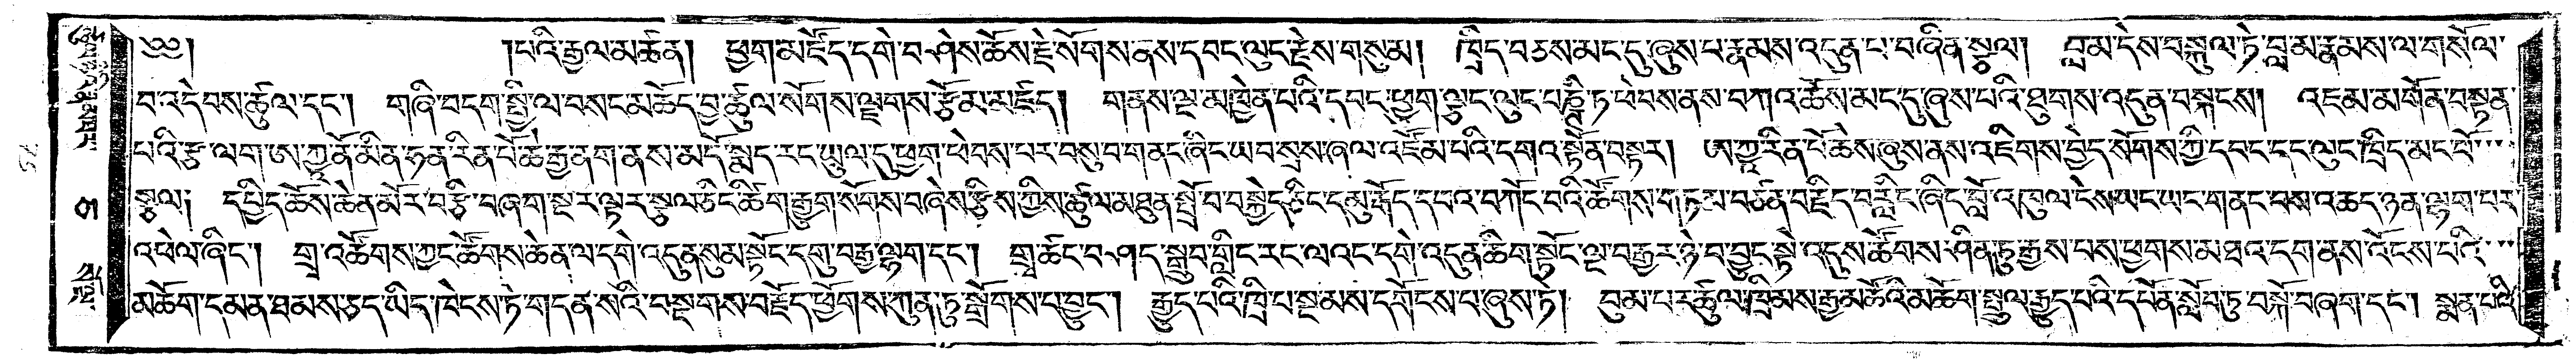༄༅། །པའི་རྒྱལ་མཚན། ཕྱག་མཛོད་དགེ་བཤེས་ཆོས་རྗེ་སོགས་ནས་དབང་ལུང་རྗེས་གསུམ། ཁྲིད་བཅས་མང་དུ་ཞུས་པ་རྣམས་འདུན་པ་བཞིན་སྩལ། བླ་མ་དེས་བསྐུལ་ཏེ་བླ་མ་རྣམས་ལ་གསོལ་
བ་འདེབས་ཚུལ་དང་། གཞི་བདག་སྤྱི་ལ་བསང་མཆོད་བྱ་ཚུལ་སོགས་ལྗགས་རྩོམ་མཛད། གནས་ལྔ་མཁྱེན་པའི་དབང་ཕྱུག་ལྕང་ལུང་པཎྜི་ཏ་ཕེབས་ནས་བཀའ་ཆོས་མང་དུ་ཞུས་པའི་ཐུགས་འདུན་བསྐངས། འཇམ་མགོན་བསྟན་
པའི་རྩ་ལག་ཨ་ཀྱཱ་ནོ་མིན་ཧན་རིན་པོ་ཆེ་རྒྱ་ནག་ནས་མདོ་སྨད་རང་ཡུལ་དུ་ཕྱག་ཕེབས་པར་བསུ་པ་གནང་ཞིང་ཡབ་སྲས་ཞལ་འཛོམ་པའི་དགའ་སྟོན་བསྟར། ཨ་ཀྱཱ་རིན་པོ་ཆེས་ཞུས་ནས་འཇིགས་བྱེད་སོགས་ཀྱི་དབང་དང་ལུང་ཁྲིད་མང་པོ་
སྩལ༑ དཔྱིད་ཆོས་ཆེན་མོར་བརྩི་བཞག་སྔར་ལྟར་སྩལ་ཅིང་ཚིག་རྒྱུག་སོགས་བཞེས་རྩིས་ཀྱིས་ཚུལ་མཐུན་སྤྲོ་བ་བསྐྱེད་ཅིང་དམུ་རྒོད་དབའ་བཀོང་བའི་ཚོགས་གཏམ་བཙན་བརྗིད་བརླིང་ཞིང་བློ་འཁུལ་ངེས་ཡང་ཡང་གནང་བས་འཆད་ཉན་ལྷག་པར་
འཕེལ་ཞིང་། གྲྭ་འཚོགས་ཀྱང་ཚོགས་ཆེན་ལ་དགེ་འདུན་སུམ་སྟོང་དགུ་བརྒྱ་ལྷག་དང་། གྲྭ་ཚང་བཤད་སྒྲུབ་གླིང་རང་ལའང་དགེ་འདུན་ཆིག་སྟོང་ལྔ་རྒྱར་ཉེ་བ་བྱུང་སྟེ་འདུས་ཚོགས་ཤིན་ཏུ་རྒྱས་པས་ཕྱོགས་མཐའ་དག་ནས་འོངས་པའི་
མཆོག་དམན་ཐམས་ཅད་ཡིད་ཁེངས་ཏེ་གདན་སའི་བསྔགས་བརྗོད་ཕྱོགས་ཀུན་ཏུ་སྒྲོགས་པ་བྱུང་། རྒྱུད་པའི་ཁྲི་པ་སྔ་མས་དགོངས་པ་ཞུས་ཏེ། བུམ་པར་ཚུལ་ཁྲིམས་རྒྱ་མཚོའི་མཆོག་སྤྲུལ་རྒྱུད་པའི་དཔོན་སློབ་ཏུ་བསྐོ་བཞག་དང་། སྨན་པའི་